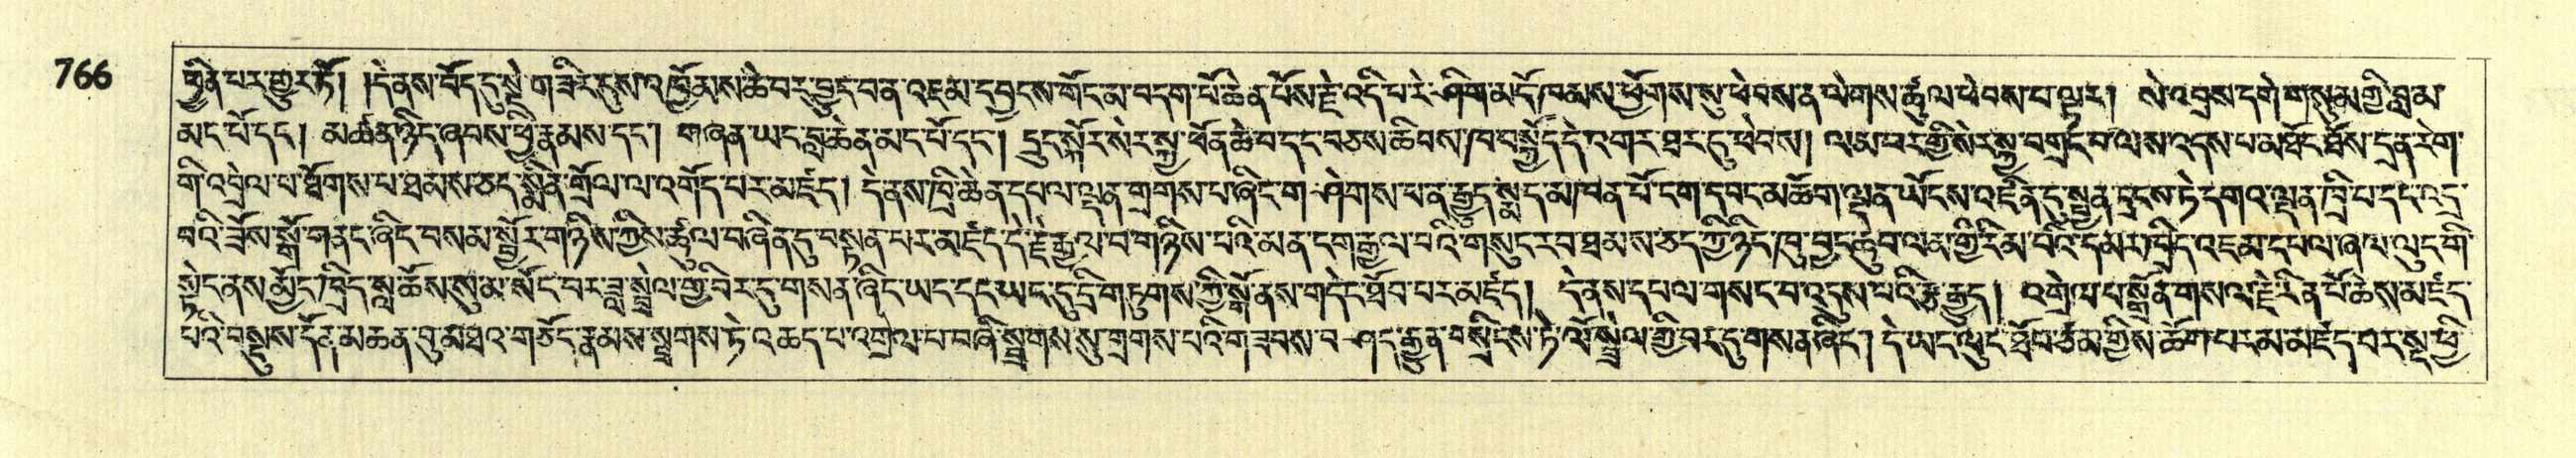ཕྱིན་པར་གྱུར་ཏོ། །དེ་ནས་བོད་དུ་སྡེ་གཟིར་དུས་འཁྱོམས་ཆི་བར་བྱུང་བ་ན་འཇམ་དབྱངས་གོང་མ་བདག་པོ་ཆེན་པོས་རྗེ་འདི་པ་རེ་ཤིག་མདོ་ཁམས་ཕྱོགས་སུ་ཕེབས་ན་ལེགས་ཚུལ་ཕེབས་པ་ལྟར། སེ་འབྲས་དགེ་གསུམ་གྱི་བླ་མ་
མང་པོ་དང་། མཚན་ཉིད་ཞབས་ཕྱི་རྣམས་དང་། གཞན་ཡང་བླ་ཆེན་མང་པོ་དང་། དྲུང་སྐོར་སེར་སྐྱ་ཕོན་ཆེ་བ་དང་བཅས་ཆིབས་ཁ་བསྐྱོད་དེ་འགར་ཐར་དུ་ཕེབས། ལམ་བར་གྱི་སེར་སྐྱ་བགྲང་བ་ལས་འདས་པ་མཐོང་ཐོས་དྲན་རེག་
གི་འབྲེལ་པ་ཐོགས་པ་ཐམས་ཅད་སྨིན་གྲོལ་ལ་འགོད་པར་མཛད། དེ་ནས་ཁྲི་ཆེན་དཔལ་ལྡན་གྲགས་པ་ཞིང་གཤེགས་པ་ན་རྒྱུད་སྨད་མཁན་པོ་ངག་དབང་མཆོག་ལྡན་ཡོངས་འཛིན་དུ་སྤྱན་དྲངས་ཏེ་དགའ་ལྡན་ཁྲི་པ་དང་འདྲ་
བའི་ཟོས་སྒོ་གནང་ཞིང་བསམ་སྦྱོར་གཉིས་ཀྱིས་ཚུལ་བཞིན་དུ་བསྟན་པར་མཛད་དེ་རྗེ་རྒྱལ་བ་གཉིས་པའི་མན་ངག་རྒྱལ་བའི་གསུང་རབ་ཐམས་ཅད་ཀྱི་ཉིད་ཁུ་བྱང་ཆུབ་ལམ་གྱི་རིམ་པའི་དམར་ཁྲིད་འཇམ་དཔལ་ཞལ་ལུང་གི་
སྟེང་ནས་མྱོང་ཁྲིད་སླ་ཆོས་སུ་མ་སོང་བར་ཟླ་སྦྲེལ་གྱི་བར་དུ་གསན་ཞིང་ཡང་དང་ཡང་དུ་དྲི་གཏུགས་ཀྱི་སྒོ་ནས་གདེང་ཐོབ་པར་མཛད། དེ་ནས་དཔལ་གསང་བ་འདུས་པའི་རྩ་རྒྱུད། འགྲེལ་པ་སྒྲོན་གསལ་རྗེ་རིན་པོ་ཆེས་མཛད་
པའི་བསྡུས་དོན་མཆན་བུ་མཐའ་གཅོད་རྣམས་སྦྲགས་ཏེ་འཆད་པ་འགྲེལ་པ་བཞི་སྦྲགས་སུ་གྲགས་པའི་གཟབས་བཤད་རྒྱུན་བསྲིངས་ཏེ་ལོ་སྦྲེལ་གྱི་བར་དུ་གསན་ཞིང་། དེ་ཡང་ལུང་ཐོབ་ཙམ་གྱིས་ཆོག་པར་མ་མཛད་བར་སྔ་ཕྱི་